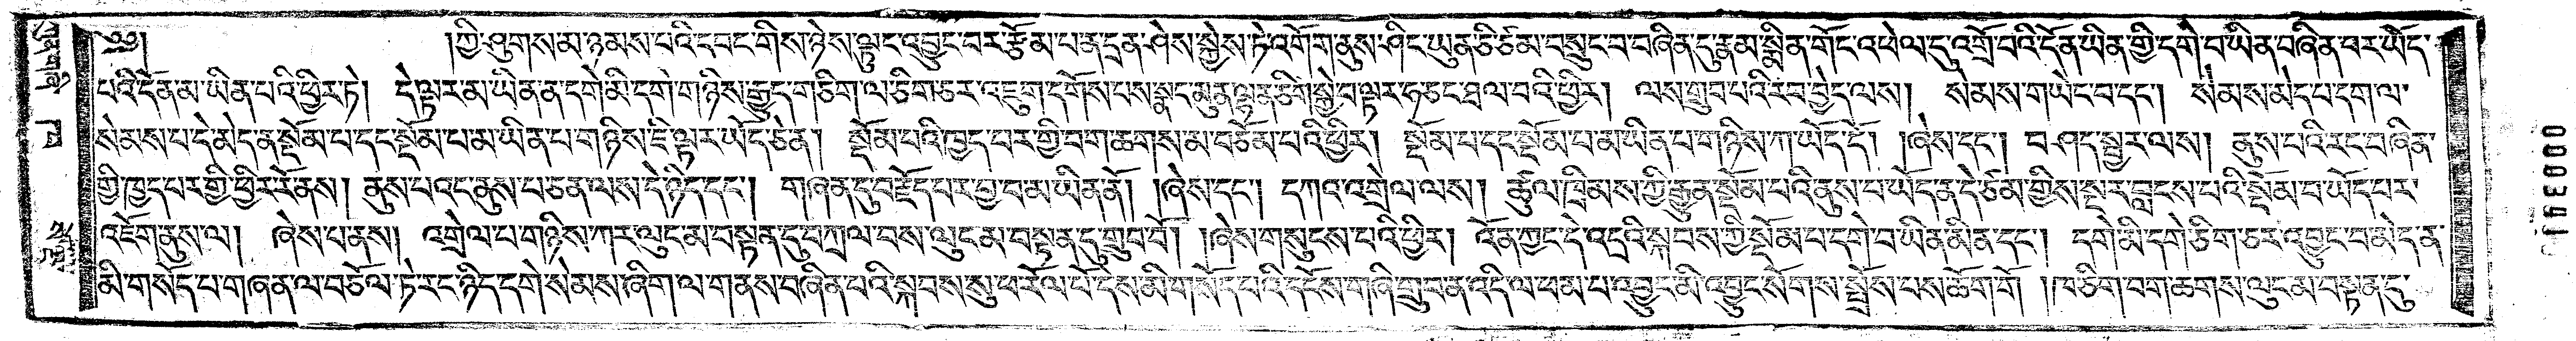༄༅། །ཀྱི་ཤུགས་མ་ཉམས་པའི་དབང་གིས་ཉེས་ལྟུང་འབྱུང་བར་རྩོམ་པ་ན་དྲན་ཤེས་སྐྱེས་ཏེ་འགོག་ནུས་ཤིང་ཡུན་ཅི་ཙམ་བསྲུང་བ་བཞིན་དུ་རྣམ་སྨིན་གོང་འཕེལ་དུ་འགྲོ་བའི་དོན་ཡིན་གྱི་དགེ་བ་ཡིན་བཞིན་བར་ཡོད་
པའི་དོན་མ་ཡིན་པའི་ཕྱིར་ཏེ། དེ་ལྟར་མ་ཡིན་ན་དགེ་མི་དགེ་གཉིས་རྒྱུད་གཅིག་ལ་ཅིག་ཅར་འཇུག་དགོས་པས་སྣང་མུན་ལྷན་ཅིག་སྐྱེ་བ་ལྟར་ཧ་ཅང་ཐལ་བའི་ཕྱིར། ལས་གྲུབ་པའི་རབ་བྱེད་ལས། སེམས་གཡེང་བ་དང་། སེམས་མེད་པ་དག་ལ་
སེམས་པ་དེ་མེད་ན་སྡོམ་པ་དང་སྡོམ་པ་མ་ཡིན་པ་གཉིས་ཇི་ལྟར་ཡོད་ཅེ་ན། སྡོམ་པའི་ཁྱད་པར་གྱི་བག་ཆགས་མ་བཅོམ་པའི་ཕྱིར། སྡོམ་པ་དང་སྡོམ་པ་མ་ཡིན་པ་གཉིས་ཀ་ཡོད་དོ། །ཞེས་དང་། བཤད་སྦྱར་ལས། ནུས་པའི་རང་བཞིན་
གྱི་ཁྱོད་པར་གྱི་ཕྱིར་རོ་ནས། ནུས་པའང་ནུས་པ་ཅན་ལས་དེ་ཉིད་དང་། གཞན་དུ་བརྗོད་པར་བྱ་བ་མ་ཡིན་ནོ། །ཞེས་དང་། དཀའ་འགྲེལ་ལས། ཚུལ་ཁྲིམས་ཀྱི་རྒྱུན་སྡོམ་པའི་ནུས་པ་ཡོད་ན་དེ་ཙམ་གྱིས་སྔར་བླངས་པའི་སྡོམ་པ་ཡོད་པར་
འཇོག་ནུས་པ། ཞེས་པ་ནས། འགྲེལ་པ་གཉིས་ཀར་ལུང་མ་བསྟན་དུ་བཀྲལ་བས་ལུང་མ་བསྟན་དུ་གྲུབ་བོ། །ཞེས་གསུངས་པའི་ཕྱིར། འོན་ཀྱང་དེ་འདྲའི་སྐབས་ཀྱི་སྡོམ་པ་དགེ་བ་ཡིན་མིན་དང་། དགེ་མི་དགེ་ཅིག་ཅར་འབྱུང་བ་མེད་ན་
མི་གསོད་པ་གཞན་ལ་བཅོལ་ཏེ་རང་ཉིད་དགེ་སེམས་ཞིག་ལ་གནས་བཞིན་པའི་སྐབས་སུ་ཕ་རོལ་པོ་དེས་མི་གསོད་པའི་དངོས་གཞི་གྲུབ་ན་འདི་ལ་ཕམ་པ་འབྱུང་མི་འབྱུང་སོགས་སྤྲོས་པས་ཆོག་གོ །ཁ་ཅིག་བག་ཆགས་ལུང་མ་བསྟན་དུ་